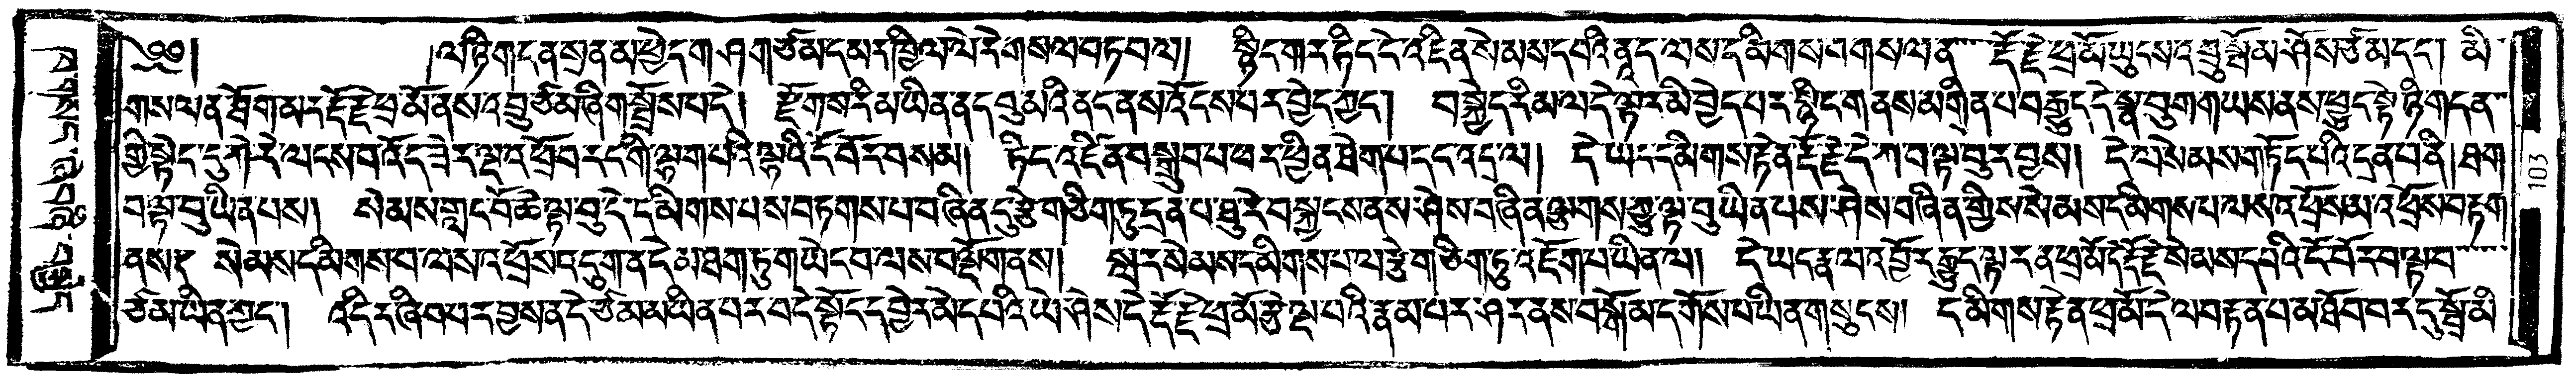༄༅། །ལ་ཉི་གང་ན་སྲན་མ་ཕྱེད་གཤག་ཙམ་དམར་ཁྱིལ་ལེ་རེ་གསལ་བཏབ་ལ། སྙིང་གར་ཏིང་ངེ་འཛིན་སེམས་དཔའི་ནཱ་ད་ལས་དམིགས་བ་གསལ་ན་རྡོ་རྗེ་ཕྲ་མོ་ཡུངས་འབྲུ་སྦོམ་ཤོས་ཙམ་དང་། མི་
གསལ་ན་ཐོག་མར་རྡོ་རྗེ་ཕྲ་མོ་ནས་འབྲུ་ཙམ་ཞིག་སྤྲོས་པ་དེ། རྫོགས་རིམ་ཡིན་ན་དབུ་མའི་ནང་ནས་འོངས་པར་བྱེད་ཀྱང་། བསྐྱེད་རིམ་ལ་དེ་ལྟར་མི་བྱེད་པར་སྙིང་གནས་མགྲིན་པ་བརྒྱུད་དེ་སྣ་བུག་གཡས་ནས་ཕྱུང་སྟེ་ཉི་གདན་
གྱི་སྟེང་དུ་ཀེ་རེ་ལངས་བ་འོད་ཟེར་ལྔ་འཕྲོ་བ་རང་གི་ལྷག་པའི་ལྷའི་ངོ་བོར་བསམ། ཏིང་འཛིན་བསྒྲུབ་པ་ཕར་ཕྱིན་ཐེག་པ་དང་འདྲ་ལ། དེ་ཡང་དམིགས་རྟེན་རྡོ་རྗེ་དེ་ཀ་བ་ལྟ་བུར་བྱས། དེ་ལ་སེམས་གཏོད་པའི་དྲན་པ་ནི། ཐག་
བ་ལྟ་བུ་ཡིན་པས། སེམས་གླང་བོ་ཆེ་ལྟ་བུ་དེ་དམིགས་པས་བཏགས་པ་བཞིན་དུ་རྩེ་གཅིག་ཏུ་དྲན་པ་ཐུ་རེ་བསྐྱངས་ནས་ཤེས་བཞིན་ལྕགས་ཀྱུ་ལྟ་བུ་ཡིན་པས་ཤེས་བཞིན་གྱིས་སེམས་དམིགས་པ་ལས་འཕྲོས་མ་འཕྲོས་བརྟག་
ནས༑ སེམས་དམིགས་པ་ལས་འཕྲོས་འདུག་ན་དེ་མ་ཐག་ཏུ་གཡེང་པ་ལས་བལྡོག་ནས། སླར་སེམས་དམིགས་པ་ལ་རྩེ་གཅིག་ཏུ་འཇོག་པ་ཡིན་ལ། དེ་ཡང་རྣལ་འབྱོར་རྒྱུད་ལྟར་ན་ཕྲ་མོ་དེ་རྡོ་རྗེ་སེམས་དཔའི་ངོ་བོར་བལྟ་བ་
ཙམ་ཡིན་ཀྱང་། འདིར་ཞིབ་པར་བྱས་ན་དེ་ཙམ་མ་ཡིན་པར་བདེ་སྟོང་དབྱེར་མེད་པའི་ཡེ་ཤེས་དེ་རྡོ་རྗེ་ཕྲ་མོ་རྩེ་ལྔ་བའི་རྣམ་པར་ཤར་ནས་བསྒོམ་དགོས་པ་ཡིན་གསུངས། དམིགས་རྟེན་ཕྲ་མོ་དེ་ལ་བརྟན་པ་མ་ཐོབ་བར་དུ་སྤྲོ་མི་